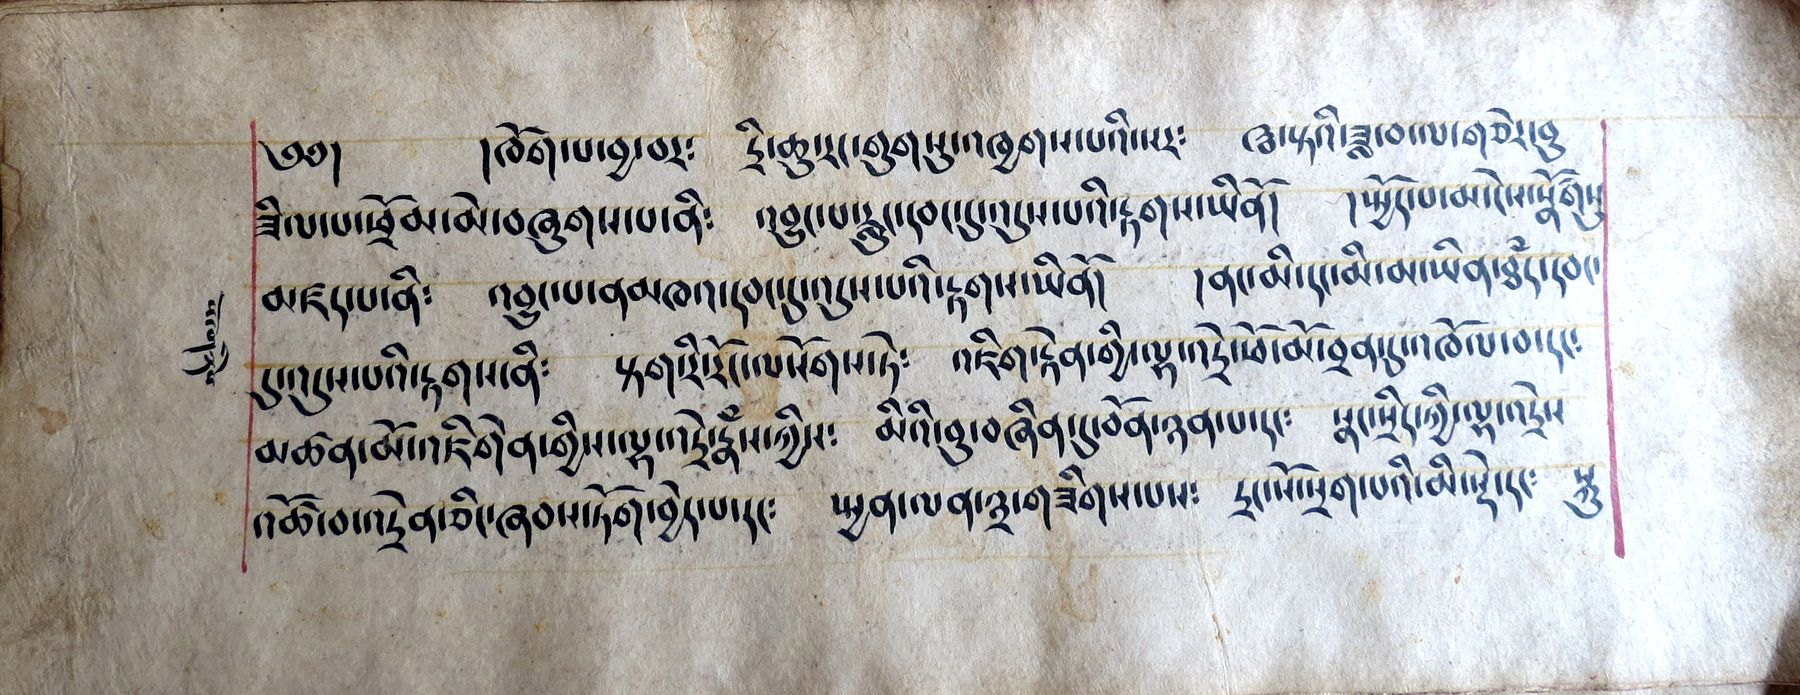ཁོག་པ་བྱ་བ། དྲི་ཆུ་རང་ཁུག་ཏུ་འཁྱགས་པའི་སར། ཝ་སྟའི་ཟླ་བ་ལ་གཅེར་བུ་
ཟིལ་པ་ཕྲོམ་མེ་བཞུགས་པ་ནི། འབྱུང་བ་རླུང་དབང་དུ་འདུས་པའི་རྟགས་ཡིན་ནོ། །སྤྱོད་པ་མ་ངེས་སྣ་ཚོགས་སུ་
མཛད་པ་ནི། འབྱུང་བ་ནམ་མཁའ་དབང་དུ་འདུས་པའི་རྟགས་ཡིན་ནོ། །ནང་མི་དང་མི་མ་ཡིན་ཐམས་ཅད་དབང་
དུ་འདུས་པའི་རྟགས་ནི། སྟག་རི་རོང་ལས་སོགས་ཏེ་འཇིག་རྟེན་གྱི་ལྷ་འདྲེ་ཕོ་མོ་བྲན་དུ་འཁོལ་བ་དང་། 
མཚན་མོ་འཇིག་རྟེན་གྱི་ལྷ་འདྲེ་རྣམས་ཀྱིས། མིའི་བུ་བཞིན་དུ་བོན་ཉན་པ་དང་། སྣང་སྲིད་ཀྱི་ལྷ་འདྲེས་
འཚོ་བ་འདྲེན་ཞིང་ཞབས་ཏོག་བྱེད་པ་དང་། སྤྱན་ལན་གསུམ་གཟིགས་པས། དྲང་སོ་སྲག་པའི་མི་སྡེ་དང་། ༼དྲག་པོ་སྐྲག་པའི་མི་སྡེ་དང་དཔེ་གཞན་ལ༽ སྐུ་